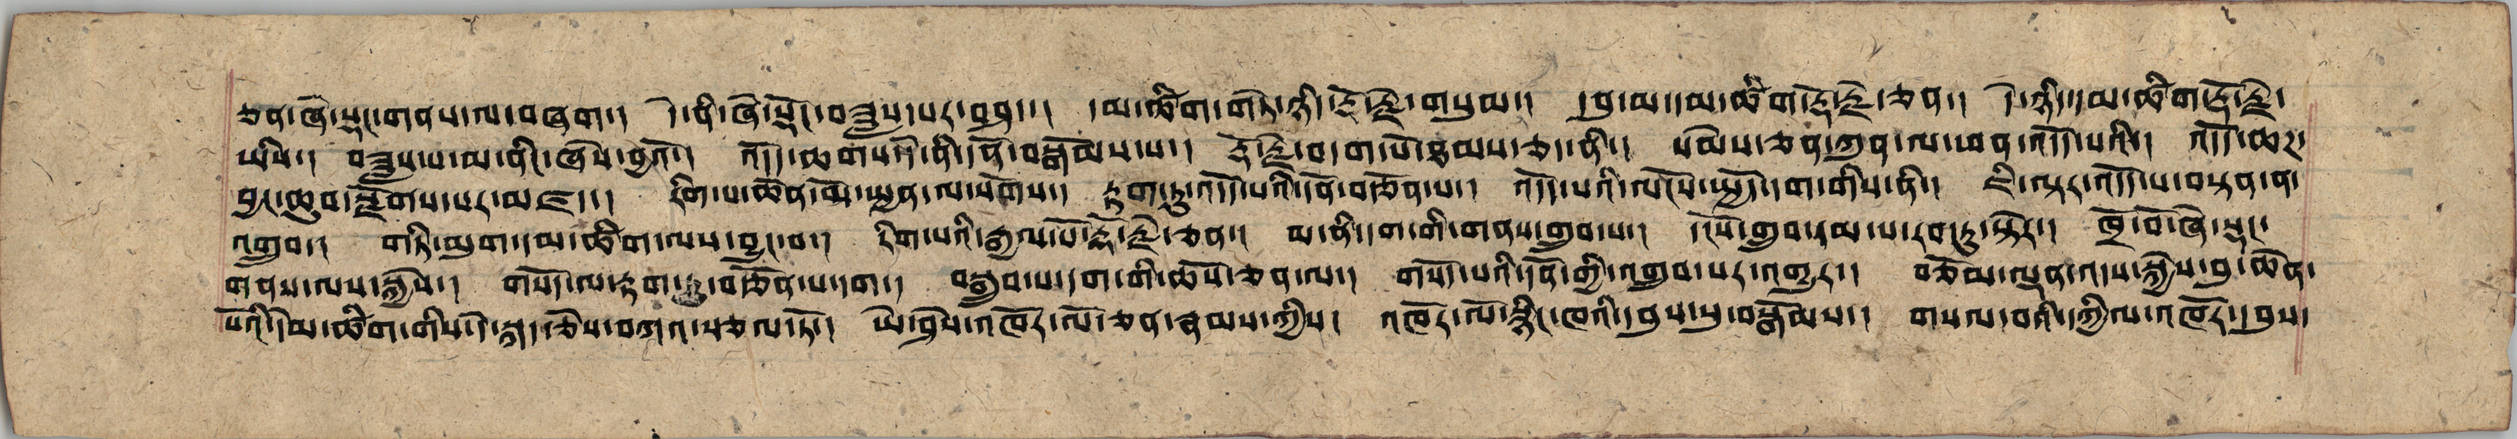ཅན་ཞེ་སྡང་གནས་ལ་བཞག་། དེ་ནི་ཞེ་སྡོང་བཟླས་པར་བཤད་། དམ་ཚིག་གཏེ་ཉིད་རྡོ་རྗེ་གསུམ་། དབུ་མ་དམ་ཚིག་རྡོ་རྗེ་ཅན་། དེ་ཉིད་དམ་ཚིག་རྡོ་རྗེ་
ཡིས་། བཟླས་པ་མ་ནིང་ཞེས་བྱའོ་། འདོད་ཆགས་དེ་ནི་དོན་བསྒོམས་པ་། རྡོ་རྗེ་བདག་པོ་ཐམས་ཅད་ནི་། སེམས་ཅན་ཀུན་ལ་ཕན་འདོད་པའི་། འདོད་ཆཌ་
བྱང་ཆུབ་སྫོགས་པར་མཛད་། རིག་པ་ཆེན་མོ་སྤྱན་ལ་སོགས་། རྟག་ཏུ་འདོད་པའི་དོན་བརྩོན་པ་། འདོད་པའི་ལོངས་སྤྱོད་དག་གིས་ནི་། ཇི་ལྟར་འདོད་པ་བསྟན་ན་
འགྲུབ་། གཏི་མུག་དམ་ཚིག་ལས་བྱུང་བ་། རིག་པའི་རྒྱལ་པོ་རྡོ་རྗེ་ཅན་། མ་ནི་དག་གི་གནས་གྲུབ་པ་། དངོས་གྲུབ་དམ་པ་རབ་ཏུ་སྟེར་། ཁྲོ་བོ་ཞེ་སྡང་
གནས་ལས་སྐྱེས་། གསོད་ལ་རྟག་ཏུ་བརྩོན་པ་དག་། བསྒྲུབ་པ་དག་གི་ཆོས་ཅན་ལ་། གསོད་པའི་དོན་གྱི་འགྲུབ་པར་འགྱུར་། བཅོམ་ལྡན་འདས་སྐྱེས་བུ་ཆེན་
པོའི་དེམ་ཚིག་གིས་དེ་་སྐད་ཅེས་བཀའ་སྩལ་ཏོ་། ཡེ་ཤེས་འཁོར་ལོ་ཅན་རྣམས་ཀྱིས། འཁོར་ལོ་སྙིང་ཁའི་དབུས་སུ་བསྒོམས་། གསལ་བའི་དཀྱིལ་འཁོར་དབུས་